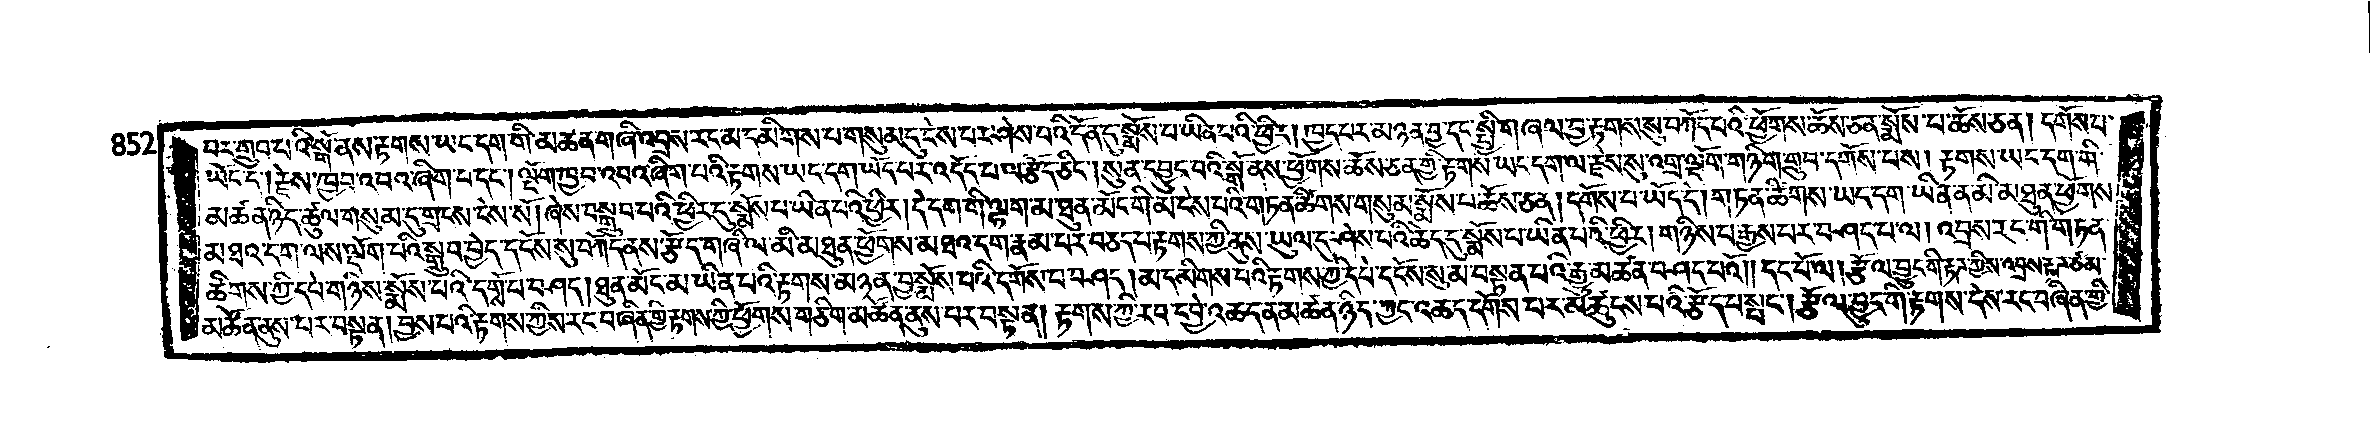བར་གྲུབ་པའི་སྒོ་ནས་རྟགས་ཡང་དག་གི་མཚན་གཞི་འབྲས་རང་མ་དམིགས་པ་གསུམ་དུ་ངེས་པར་ཤེས་པའི་དོན་དུ་སྨོས་པ་ཡིན་པའི་ཕྱིར། ཁྱད་པར་མཉན་བྱ་དང་སྤྱི་གཞལ་བྱ་རྟགས་སུ་བཀོད་པའི་ཕྱོགས་ཆོས་ཅན་སྨོས་པ་ཆོས་ཅན། དགོས་པ་
ཡོད་དེ། རྗེས་ཁྱབ་འབའ་ཞིག་པ་དང་། ལྡོག་ཁྱབ་འབའ་ཞིག་པའི་རྟགས་ཡང་དག་ཡོད་པར་འདོད་པ་ལ་རྩོད་ཅིང་། སུན་དབྱུང་བའི་སྒོ་ནས་ཕྱོགས་ཆོས་ཅན་གྱི་རྟགས་ཡང་དག་ལ་རྗེས་སུ་འགྲོ་ལྡོག་གཉི་ག་གྲུབ་དགོས་པས། རྟགས་ཡང་དག་གི་
མཚན་ཉིད་ཚུལ་གསུམ་དུ་གྲངས་ངེས་སོ། ཞེས་བསྒྲུབ་པའི་ཕྱིར་དུ་སྨོས་པ་ཡིན་པའི་ཕྱིར། དེ་དག་གི་ལྷག་མ་ཐུན་མོང་གི་མ་ངེས་པའི་གཏན་ཚིགས་གསུམ་སྨོས་པ་ཆོས་ཅན། དགོས་པ་ཡོད་དེ། གཏན་ཚིག་ཡང་དག་ན་མི་མཐུན་ཕྱོགས་
མཐའ་དག་ལས་ལྡོག་པའི་སྒྲུབ་བྱེད་དངོས་སུ་བཀོད་ནས་རྩོད་གཞི་ལ་མི་མཐུན་ཕྱོགས་མཐའ་དག་རྣམ་པར་བཅད་པ་རྟགས་ཀྱི་ནུས་ཡུལ་དུ་ཤེས་པའི་ཆེད་དུ་སྨོས་པ་ཡིན་པའི་ཕྱིར། གཉིས་པ་རྒྱས་པར་བཤད་པ་ལ། འབྲས་རང་གི་གཏན་
ཚིགས་ཀྱི་དཔེ་གཉིས་སྨོས་པའི་དགོས་པ་བཤད། ཐུན་མོང་མ་ཡིན་པའི་རྟགས་མཉན་བྱ་སྨོས་པའི་དགོས་པ་བཤད། མ་དམིགས་པའི་རྟགས་ཀྱི་དཔེ་དངོས་སུ་མ་བསྟན་པའི་རྒྱུ་མཚན་བཤད་པའོ། །དང་པོ་ལ། རྩོལ་བྱུང་གི་རྟགས་ཀྱིས་འབྲས་རྟགས་ཙམ་
མཚོན་ནུས་པར་བསྟན། བྱས་པའི་རྟགས་ཀྱིས་རང་བཞིན་གྱི་རྟགས་ཀྱི་ཕྱོགས་གཅིག་མཚོན་ནུས་པར་བསྟན། རྟགས་ཀྱི་རབ་དབྱེ་འཆད་ན་མཚན་ཉིད་ཀྱང་། འཆད་དགོས་པར་མཚུངས་པའི་རྩོད་པ་སྤང་། རྩོལ་བྱུང་གི་རྟགས་དེས་རང་བཞིན་གྱི་